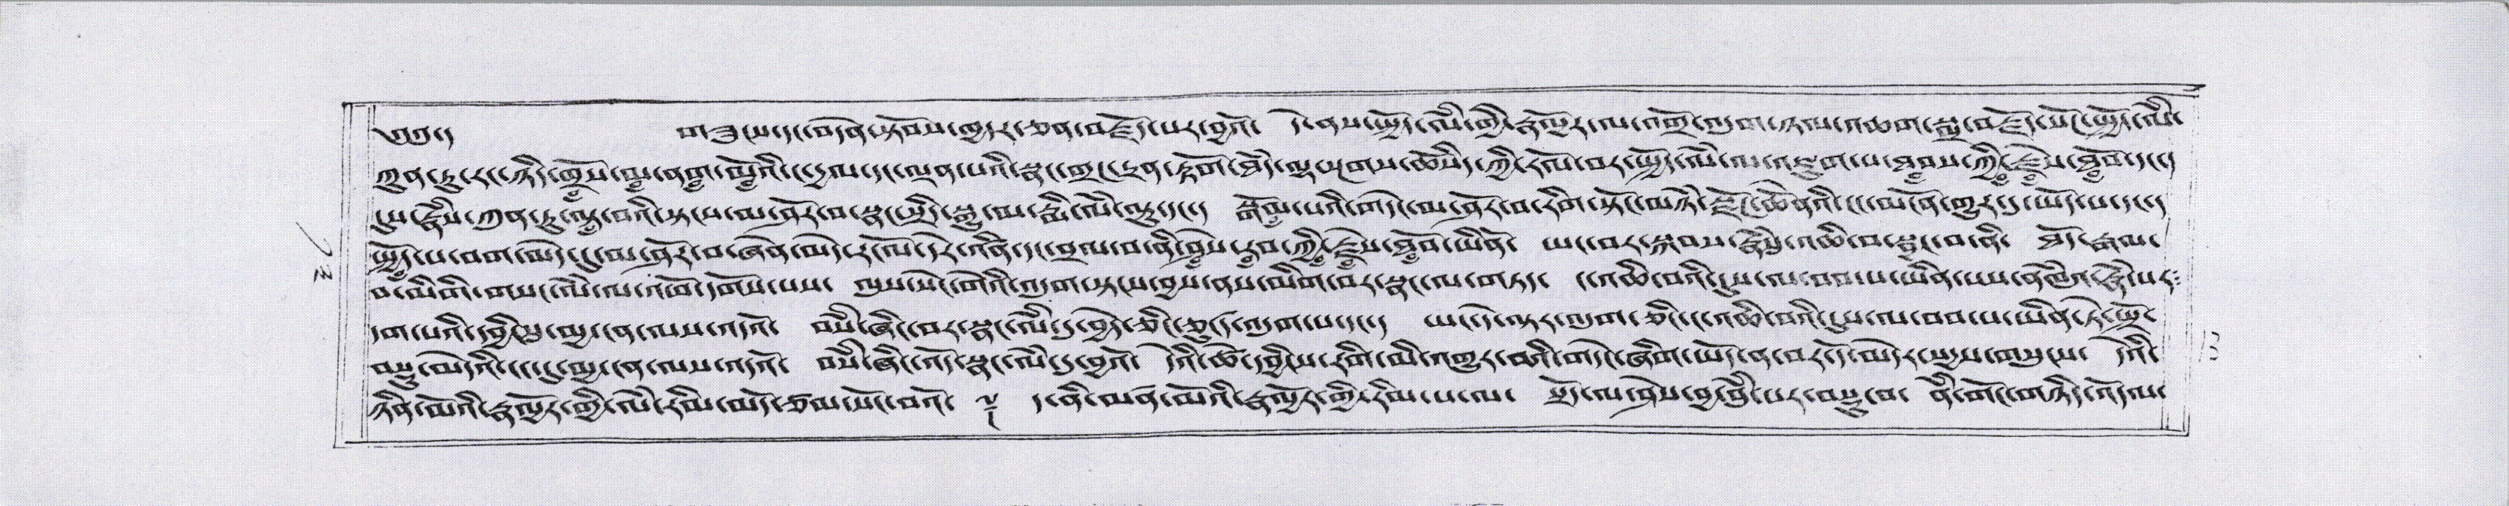གཟུངས་དང་བདེན་སྟོབས་ཁྱད་པར་ཅན་བརྗོད་པར་བྱའོ། དེ་ནས་སྤྱོད་ལམ་གྱི་རྣལ་འབྱོར་ལ་འགྲོ་འདུག་ཉལ་འཆག་སྨྲ་བརྗོད་སོགས་སྤྱོད་ལམ་
ཀུན་ཏུ་རང་ཉིད་ཁྲོས་མ་ནག་མོ་ང་རྒྱལ་དང་ལྡན་པའི་སྣང་གྲགས་དྲན་རྟོག་ཐམས་ཅད་ལྷ་སྔགས་ཆོས་ཉིད་ཀྱི་རོལ་པར་སྤྱོད་ལམ་ལ་འཇུག་པ་ཐབས་ཀྱི་རྗེས་ཐོབ་དང་། 
དུས་རྣམ་ཀུན་ཏུ་ལྟ་བའི་སྟངས་མ་ཤོར་བ་སྣང་སྲིད་སྒྱུ་མ་རྨི་ལམ་ལྟ་བུ་དང་། སྒོམ་པའི་གདེང་མ་ཤོར་བ་རིག་སྟོང་མཉམ་རྫོགས་ཆེན་པོའི་ངང་མངོན་གྱུར་དུ་ཡོད་པ་དང་། 
སྤྱོད་པ་བག་མེད་དུ་མ་ཤོར་བ་ཞེན་མེད་རང་གྲོལ་དེར་འཛིན་དང་བྲལ་བ་ནི་ཤེས་རབ་ཀྱི་རྗེས་ཐོབ་ཡིན་ནོ། ཡང་བར་སྐབས་རྣམས་སུ་འཆི་བ་སྦྱང་བ་ནི། ཐོད་རྒལ་
བ་མིག་གི་གསང་ལམ་དུ་འཕོ་དགོས་པས། ལུས་སེང་གེའི་འདུག་སྟངས་བྱས་ནས་མིག་བར་སྣང་ལ་གཏད། ད་འཆི་བའི་དུས་ལ་བབ་པ་ཡིན་པས་ནམ་མཁའ་རྣམ་པར་
དག་པའི་དབྱིངས་སུ་མྱ་ངན་ལས་འདའ་འོ། །བསམ་ཞིང་བར་སྣང་ལམ་དུ་བྱེད་ཅིང་ཅུང་ཟད་འདུག་པ་དང་། ཡང་དེ་ལྟར་འདུག་ཅིང་ང་འཆི་བའི་དུས་ལ་བབ་པ་ཡིན་ཏེ་སྤྲོ་
བསྡུ་མེད་པའི་ངང་ལས་མྱ་མངན་ལས་འདའ་འོ། བསམ་ཞིང་འོད་སྣང་ལམ་དུ་བྱའོ། དེའི་ཚེ་དབྱིངས་རིག་མི་འགྱུར་བའི་གདེང་ཞིག་ཡོད་ན་བར་དོ་མེད་པར་སངས་རྒྱས་གསུངས། དེའི་
ཉིན་མོའི་རྣལ་འབྱོར་གྱི་ལམ་རིམ་མདོ་ཙམ་སོང་བའོ།། ༧ ད་ནི་མཚན་མོའི་རྣལ་འབྱོར་གྱི་རིམ་པ་ལ། སྲོད་ལ་ཤེས་བྱ་བུམ་པར་བསྡུ་བ། ནམ་གུང་གཉིད་འོད་གསལ་